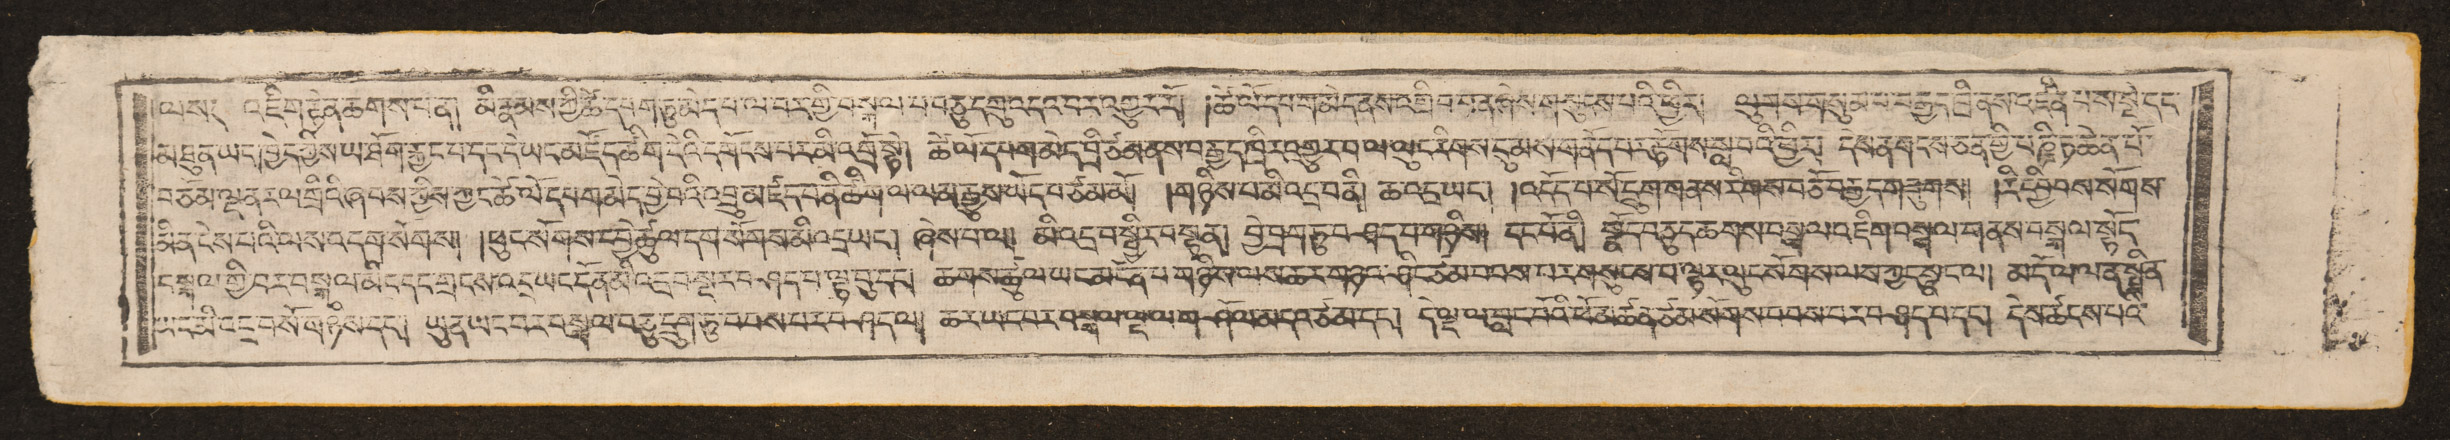ལས༑ འཇིག་རྟེན་ཆགས་པ་ན། མི་རྣམས་ཀྱི་ཚེ་དཔག་ཏུ་མེད་པ་ལ་བར་གྱི་བསྐལ་པ་བཅུ་དགུ་འདའ་བར་འགྱུར་རོ། །ཚེ་ལོ་དཔག་མེད་ནས་འགྲིབ་པ་ན་ཞེས་གསུངས་པའི་ཕྱིར། ལུགས་གསུམ་པ་བརྒྱད་ཁྲི་ནས་འཛིན་པ་ས་སྡེ་དང་
མཐུན་ཡང་ཁྱེད་ཀྱིས་ཡ་ཐོག་རྐྱང་ཕ་དང་དེ་ཡང་མཛོད་ཚིག་དེའི་དགོངས་པར་མི་འགྲོ་སྟེ། ཚེ་ལོ་དཔག་མེད་བྲི་ཙམ་ནས་བརྒྱད་ཁྲིར་འགྱུར་བ་ལ་ལུང་རིགས་དུ་མས་གནོད་པར་རྟོགས་སླ་བའི་ཕྱིར། དེས་ན་གངས་ཅན་གྱི་པཎྜི་ཏ་ཆེན་པོ་
བཅོམ་ལྡན་རལ་གྲིའི་ཞབས་ཀྱིས་ཀྱང་ཚེ་ལོ་དཔག་མེད་བྱེ་བའི་འབྲུ་མཛད་པ་ནི་ཚིག་ལ་ལམ་རྒྱུས་ཡོད་པ་ཙམ་མོ། །གཉིས་པ་མི་འདྲ་བ་ནི། ཆ་འདྲ་ཡང་། །འདོད་པ་སོ་དྲུག་གནས་རིགས་བཅོ་བརྒྱད་གཟུགས། །རི་དབྱིབས་སོགས་
མིན་ངེས་པའི་ལས་བདག་སོགས། །ཕུང་སོགས་དབྱེ་ཚུལ་དག་སོགས་མི་འདྲ་ཡང་། ཞེས་པ་ལ། མི་འདྲ་བ་སྤྱིར་བསྟན། བྱེ་བྲག་ཏུ་བཤད་པ་གཉིས། དང་པོ་ནི། སྣོད་བཅུད་ཆགས་བསྐལ་འཇིག་བསྐལ་གནས་བསྐལ་སྟོང་
བསྐལ་གྱི་བར་བསྐལ་མིང་དང་གྲངས་འདྲ་ཡང་དོན་མི་འདྲ་བ་སྔར་བཤད་པ་ལྟ་བུ་དང་། ཆགས་ཚུལ་ཡང་མངོན་པ་གཉིས་ལས་ཆར་གཉའ་ཤིང་ཙམ་བབས་པར་གསུངས་པ་ལྟར་ལུང་སོགས་ལས་ཀྱང་སྣང་ལ། མདོ་ལ་ལན་སྤྲིན་
ཡང་མི་འདྲ་བ་སོ་གཉིས་དང་། ཡུན་ཡང་བར་བསྐལ་བཅུ་དྲུག་ཏུ་བབས་པར་བཤད་ལ། ཆར་ཡང་བར་བསྒལ་ལྔ་ལ་གཤོལ་མདའ་ཙམ་དང་། དེ་ལྔ་ལ་གླང་པོའི་ཕོ་མཚན་ཙམ་སོགས་བབས་པར་བཤད་པ་དང་། དེས་ཚངས་པའི་